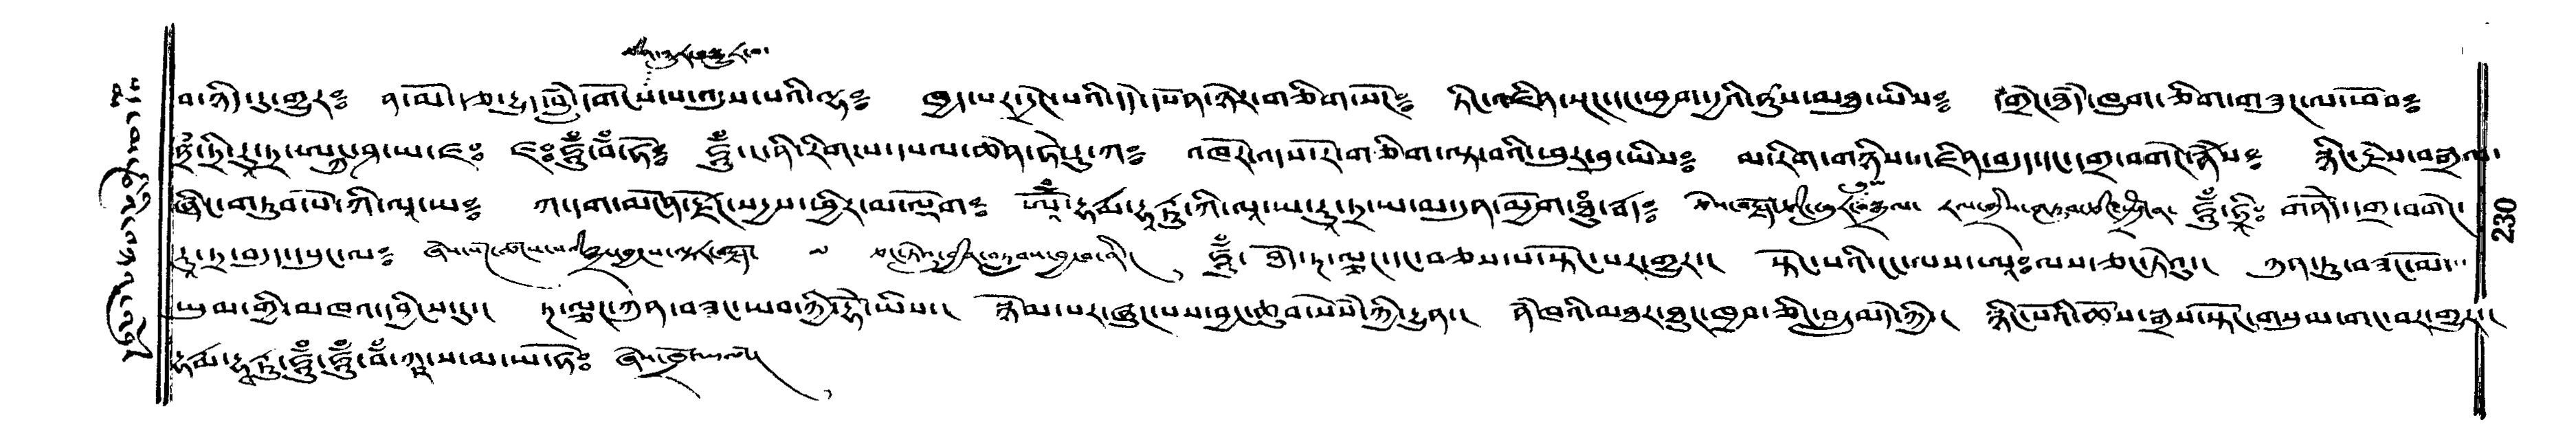བཔཉིདཔདུཔགྱུར༔ ནཔམོ༔རྩཔརྒྱུདཔབླཔམཔདགོངསཔ་པའདུསཔ་འིཔལྷ༔ ཁྱདཔ་རཔདྲེགསཔ་འིཔདེདཔད་ོནཔཉེརཔགཅིགཔསོགས༔ ཏིངཔའཛིནཔསྔགསཔདངཔཕྱགཔརྒྱའིཔནུསཔམཐུཔཡིས༔ དགྲཔབགེགསཔཐམསཔཅདཔཁུགཔཅིགཔགཟུགསཔལཔཕོབས༔ 
ནྲྀཔཏྲིཔརཱུཔཏྲཔཨངྐུཔཤཔཡཔཛ༔ ཛཿཧཱུྃཔབྃཔཧོ༔ ཧཱུྃ༔ངཔནིཔརིགཔ་པད་ལཔཆེནཔཧེཔརུཔཀ༔ འཁོརཔའདསཔརོཔགཅིགཔལྟཔབའིཔཕུརཔབུཔཡིས༔ མཔརིགཔགཉིསཔའཛིནཔབདུདཔདངཔདགྲཔབགེགསཔརྣམས༔ སྙིངཔརྗེསཔསྒྲོལ་
ཞིངཔགཏབཔ་ོཔཀིཔལཱཔཡ༔ ཀཔདགཔམངོནཔརྫོགསཔསངསཔརྒྱསཔཕྱིརཔམིཔལྡོག༔ ཨོཾཔདྷརྨཔདྷཱརྟུཔཀིཔལཱཔཡཔརཱུཔཏྲཔཡཔམཔདུནཔམྱོགཔཐུཾཔརྦད༔ ཅེསཔབརྗོདཔཅིངཔཕུརཔབུསཔབསྒྲལ། རལཔགྲིསཔགཏ བཔཅིངཔསྤྲོཔན། ཧཱུྃཔཧྲཱི༔ གནོདཔབྱེདཔདགྲཔབགེགས
རཱུ་ཏྲ་བདུདཔད་ུངཔལ༔ ཞེསཔསོགསཔཚངསཔ་འིཔསྒྲཔདབྱངསཔལྟརཔབརྗོད། ཅངཔཏེའུཔབྱིནཔརླབསཔནི། ཧཱུྃ༔ ཐོདཔརྔཔལྕགཔདངཔབཅསཔ་པསྟོངཔ་རཔགྱུར༔ སྟོངཔ་འིཔངངཔལསཔཨཱཿལསཔཅངཔཏེའུ༔ ཀུནཔཏཔབཟངཔམོ
ཡུམཔགྱིཔམཁའཔདབྱིངསཔསུ༔ རྔཔལྕགཔཀུནཔབཟངཔཡབཔཀྱིཔརྡོཔརྗེཔཡིས༔ སྙོམཔ་རཔཞུགསཔ་སཔབྱངཔཆུབཔསེམསཔཀྱིཔརྒྱུན༔ ནམཔམཁའིཔམཐརཔཐུགཔཁྱབཔཅིངཔབླཔམེདཔཀྱི༔ སྙིངཔ་ོའིཔཆོསཔསྒྲསཔསྟོངཔགསུམཔགངཔབརཔགྱུར༔ 
དྷརྨཔདྷཱརྟུཔཧཱུྃཔཧཱུྃཔབྃཔཀྵཔསཔམཔཡཔཧོཿ ཞེསཔཁྲོལཔལོ། དགེའོ།